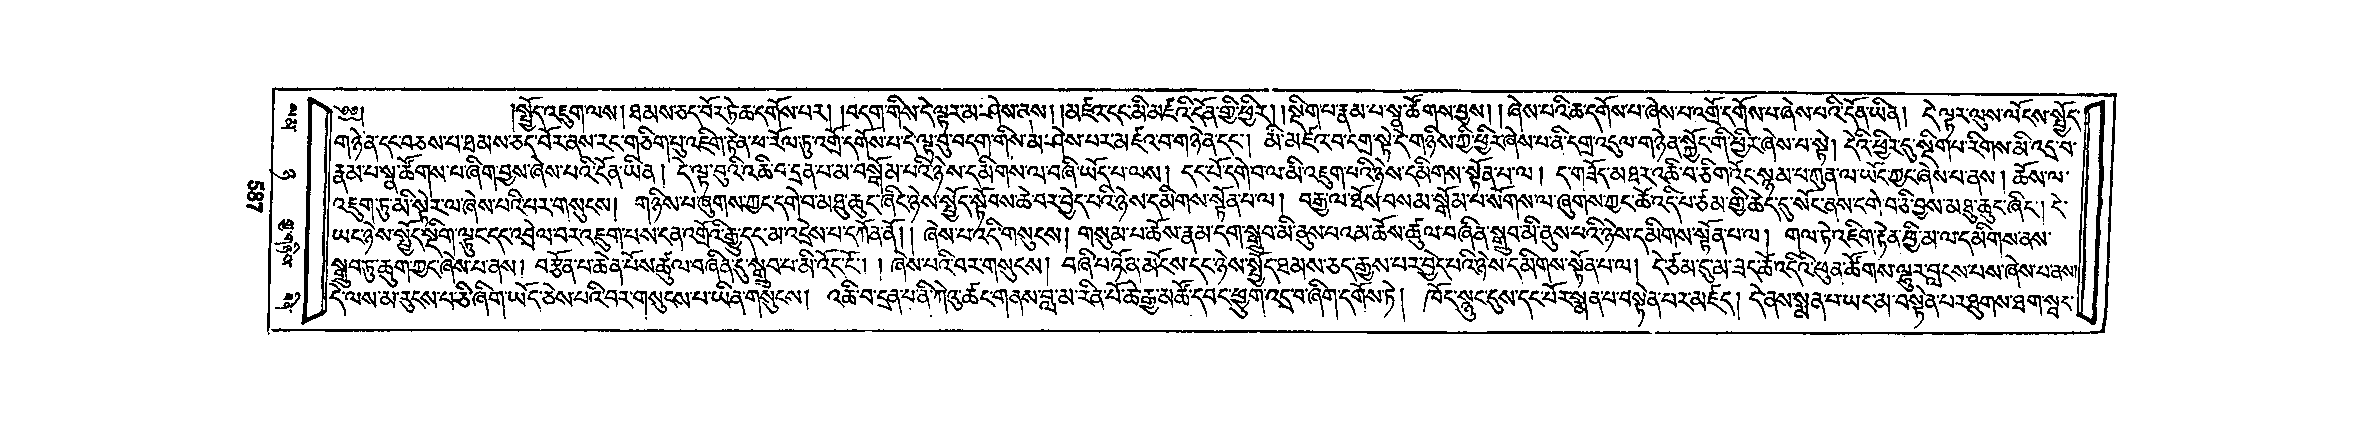༄༅། །སྤྱོད་འཇུག་ལས། ཐམས་ཅད་བོར་ཏེ་ཆ་དགོས་པར། །བདག་གིས་དེ་ལྟར་མ་ཤེས་ནས། །མཛའ་དང་མི་མཛའི་དོན་གྱི་ཕྱིར། །སྡིག་པ་རྣམ་པ་སྣ་ཚོགས་བྱས། །ཞེས་པའི་ཆ་དགོས་པ་ཞེས་པ་འགྲོ་དགོས་པ་ཞེས་པའི་དོན་ཡིན། དེ་ལྟར་ལུས་ལོངས་སྤྱོད་
གཉེན་དང་བཅས་པ་ཐམས་ཅད་བོར་ནས་རང་གཅིག་པུ་འཇིག་རྟེན་ཕ་རོལ་ཏུ་འགྲོ་དགོས་པ་དེ་ལྟ་བུ་བདག་གིས་མ་ཤེས་པར་མཛའ་བ་གཉེན་དང་། མི་མཛའ་བ་དགྲ་སྟེ་དེ་གཉིས་ཀྱི་ཕྱིར་ཞེས་པ་ནི་དགྲ་འདུལ་གཉེན་སྐྱོང་གི་ཕྱིར་ཞེས་པ་སྟེ། དེའི་ཕྱིར་དུ་སྡིག་པ་རིགས་མི་འདྲ་བ་
རྣམ་པ་སྣ་ཚོགས་པ་ཞིག་བྱས་ཞེས་པའི་དོན་ཡིན། དེ་ལྟ་བུའི་འཆི་བ་དྲན་པ་མ་བསྒོམ་པའི་ཉེས་དམིགས་ལ་བཞི་ཡོད་པ་ལས། དང་པོ་དགེ་བ་ལ་མི་འཇུག་པའི་ཉེས་དམིགས་སྟོན་པ་ལ། ད་གཟོད་མཐར་འཆི་བ་ཅིག་འོང་སྙམ་པ་ཀུན་ལ་ཡོད་ཀྱང་ཞེས་པ་ནས། ཆོས་ལ་
འཇུག་ཏུ་མི་སྟེར་ལ་ཞེས་པའི་པར་གསུངས། གཉིས་པ་ཞུགས་ཀྱང་དགེ་བ་མཐུ་ཆུང་ཞིང་ཉེས་སྤྱོད་སྟོབས་ཆེ་བར་བྱེད་པའི་ཉེས་དམིགས་སྟོན་པ་ལ། བརྒྱ་ལ་ཐོས་བསམ་སྒོམ་པ་སོགས་ལ་ཞུགས་ཀྱང་ཚེ་འདི་པ་ཙམ་གྱི་ཆེད་དུ་སོང་ནས་དགེ་བ་ཅི་བྱས་མཐུ་ཆུང་ཞིང་། དེ་
ཡང་ཉེས་སྤྱོད་སྡིག་ལྟུང་དང་འབྲེལ་བར་འཇུག་པས་ངན་འགྲོའི་རྒྱུ་དང་མ་འདྲེས་པ་དཀོན་ནོ། །ཞེས་པ་འདི་གསུངས། གསུམ་པ་ཆོས་རྣམ་དག་སྒྲུབ་མི་ནུས་པའམ་ཆོས་ཚུལ་བཞིན་སྒྲུབ་མི་ནུས་པའི་ཉེས་དམིགས་སྟོན་པ་ལ། གལ་ཏེ་འཇིག་རྟེན་ཕྱི་མ་ལ་དམིགས་ནས་
སྒྲུབ་ཏུ་ཆུག་ཀྱང་ཞེས་པ་ནས། བརྩོན་པ་ཆེན་པོས་ཚུལ་བཞིན་དུ་སྒྲུབ་པ་མི་འོང་ངོ། །ཞེས་པའི་བར་གསུངས། བཞི་པ་ཉོན་མོངས་དང་ཉེས་སྤྱོད་ཐམས་ཅད་རྒྱས་པར་བྱེད་པའི་ཉེས་དམིགས་སྟོན་པ་ལ། དེ་ཙམ་དུ་མ་ཟད་ཚེ་འདིའི་ཕུན་ཚོགས་ལྷུར་བླངས་པས་ཞེས་པ་ནས་
དེ་ལས་མ་རུངས་པ་ཅི་ཞིག་ཡོད་ཅེས་པའི་བར་གསུངས་པ་ཡིན་གསུངས། འཆི་བ་དྲན་པ་ནི་ཀེའུ་ཚང་གནས་བླ་མ་རིན་པོ་ཆེ་རྒྱ་མཚོ་དབང་ཕྱུག་འདྲ་བ་ཞིག་དགོས་ཏེ། ཁོང་སྙུང་དུས་དང་པོར་སྨན་པ་བསྟེན་པར་མཛད། དེ་ནས་སྨན་པ་ཡང་མ་བསྟེན་པར་ཐུགས་ཐག་སྦང་